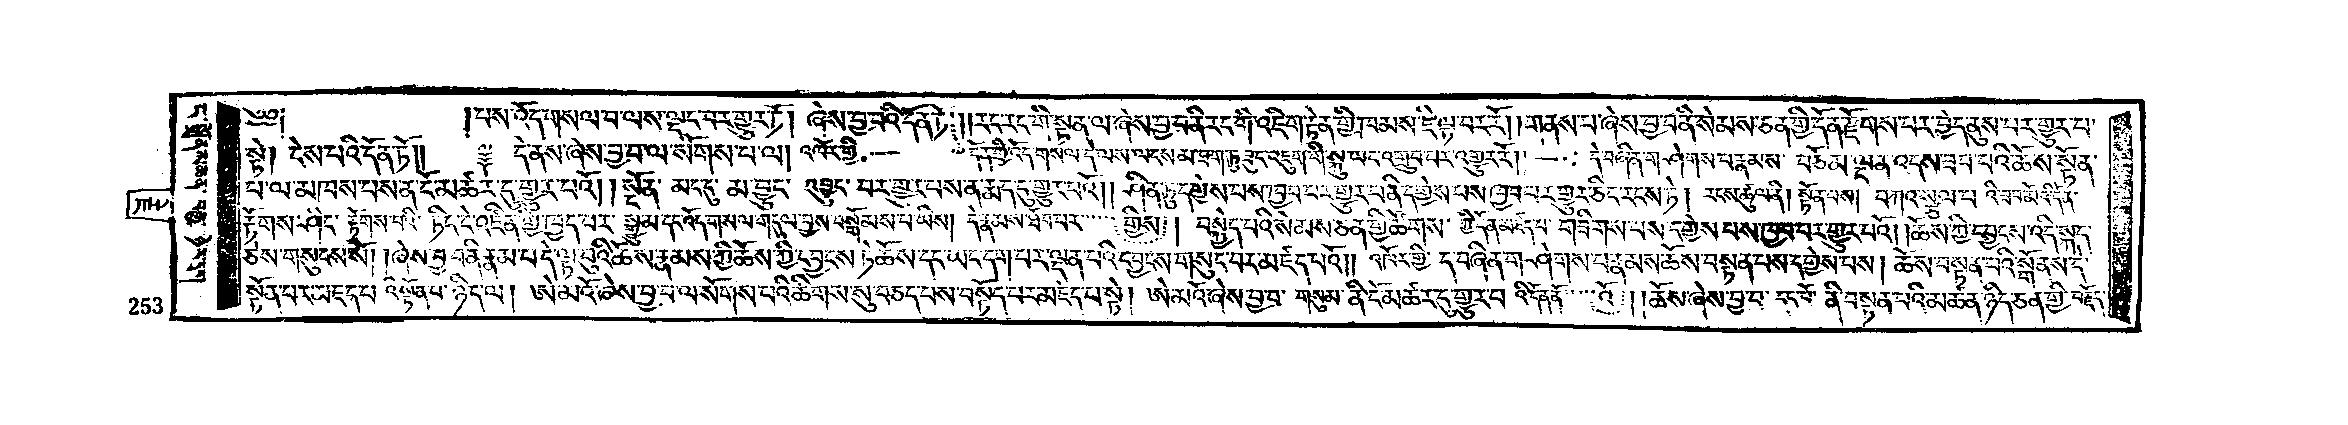༄༅། །པས་འོད་གསལ་བ་ལས་ལྡང་བར་གྱུར་ཏོ། ཞེས་བྱ་བའི་དོན་ཏོ། །རང་རང་གི་སྟན་ལ་ཞེས་བྱ་བ་ནི་རང་གི་འཇིག་རྟེན་གྱི་ཁམས་ཇི་ལྟ་བར་རོ། །གནས་པ་ཞེས་བྱ་བ་ནི་སེམས་ཅན་གྱི་དོན་རྫོགས་པར་བྱེད་ནུས་པར་གྱུར་པ་
སྟེ། ངེས་པའི་དོན་ཏོ།། ༈ དེ་ནས་ཞེས་བྱ་བ་ལ་སོགས་པ་ལ། འཁོར་གྱི་༧དོན་གྱི་འོད་གསལ་དེ་ལས་ལངས་མ་ཐག་ཏུ་ཟུང་འཇུག་གི་སྐུ་ཡང་འགྲུབ་པར་འགྱུར་རོ།། དེ་བཞིན་གཤེགས་པ་རྣམས་བཅོམ་ལྡན་འདས་ཟབ་པའི་ཆོས་སྟོན་
པ་ལ་མཁས་པས་ན་ངོ་མཚར་དུ་གྱུར་པའོ། །སྔོན་མང་དུ་མ་བྱུང་འབྱུང་བར་གྱུར་པས་ན་རྨད་དུ་གྱུར་པའོ། །ཤིན་ཏུ་དགྱེས་པས་ཁྱབ་པར་གྱུར་པ་ནི་དགྱེས་པས་ཁྱབ་པར་གྱུར་ཅིང་རངས་ཏེ། རངས་ཚུལ་ནི། སྟོན་པས།  བཀའ་སྩལ་པའི་ཟབ་མོའི་དོན
རྟོགས་ཤིང་རྟོགས་པའི་ཏིང་ངེ་འཛིན་གྱི་ཁྱད་པར་སྒྱུ་མ་དང་འོད་གསལ་གདུལ་བྱས་བསྒོམས་པ་ཡིས། དེ་རྣམས་ཐོབ་པར་གྱིས། བསྐྱེད་པའི་སེམས་ཅན་གྱི་ཚོགས་ཀྱི་དོན་མཛད་པ་གཟིགས་པས་དགྱེས་པས་ཁྱབ་པར་གྱུར་པའོ། །ཆོས་ཀྱི་དབྱངས་འདི་སྐད་
ཅེས་གསུངས་སོ། །ཞེས་བྱ་བ་ནི་རྣམ་པ་དེ་ལྟ་བུའི་ཆོས་རྣམས་ཀྱི་ཆོས་ཀྱི་དབྱངས་ཏེ་ཆོས་དང་ཡང་དག་པར་ལྡན་པའི་དབྱངས་གསུང་བར་མཛད་པའོ།། འཁོར་གྱི་དེ་བཞིན་གཤེགས་པ་རྣམས་ཆོས་བསྟན་པས་དགྱེས་པས། ཆོས་བསྟན་པའི་སྒོ་ནས་དེ་
སྟོན་པར་མཛད་པའི་སྟོན་པ་ཉིད་ལ། ཨེ་མའོ་ཞེས་བྱ་བ་ལ་སོགས་པའི་ཚིགས་སུ་བཅད་པས་བསྟོད་པར་མཛད་པ་སྟེ། ཨེ་མའོ་ཞེས་བྱ་བ་གསུམ་ནི་ངོ་མཚར་དུ་གྱུར་པའི་དོན་ནོ་འོ། །ཆོས་ཞེས་བྱ་བ་དང་པོ་ནི་བསྟན་པའི་མཚན་ཉིད་ཅན་གྱི་བརྗོད་